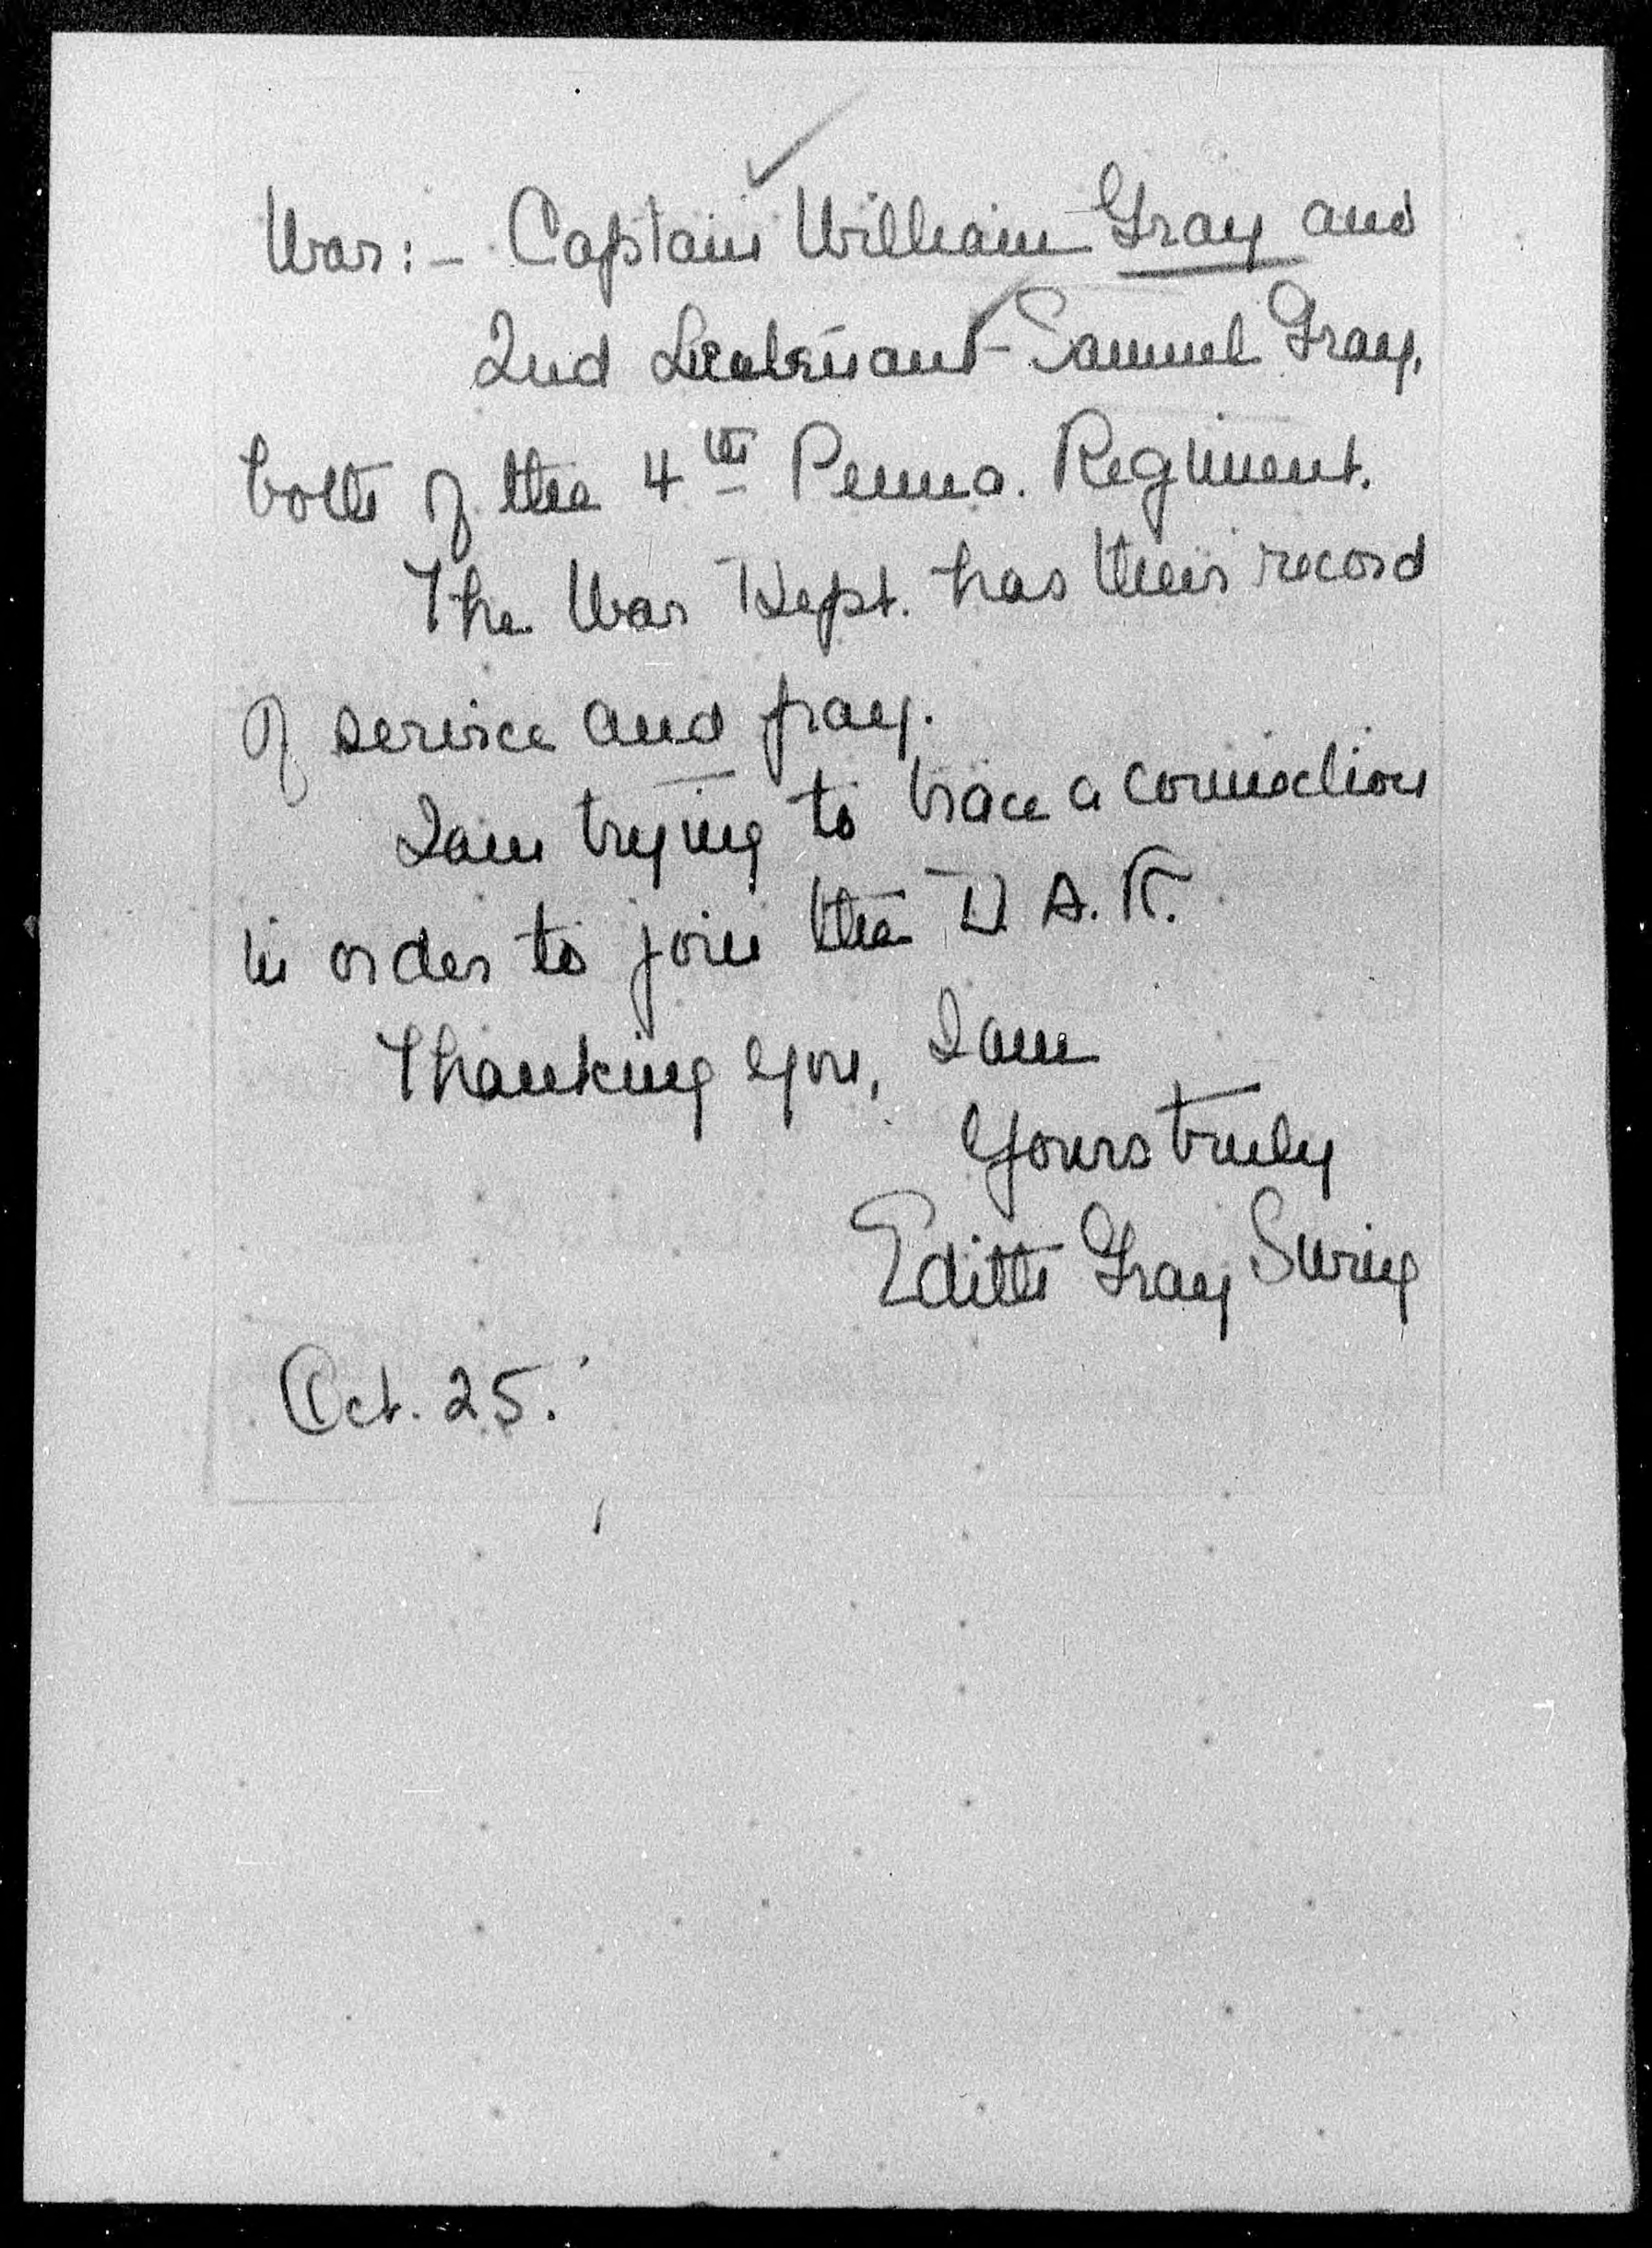War:--Captain William Gray and 2nd Lieutenant, Samuel Gray, both of the 4th Pennsylvania Regiment.

The War Department has their record of service and pay.

I am trying to trace a connection in order to join the D.A.R. [Daughters of the American Revolution]

Thank you, I am

Yours truly

Edith Gray Swing

October 25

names: Samuel Gray, William Gray, Edith Gray Swing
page: 7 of 7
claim: bounty land warrant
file: B. L. Wt. 845-200, Samuel Gray, Penn